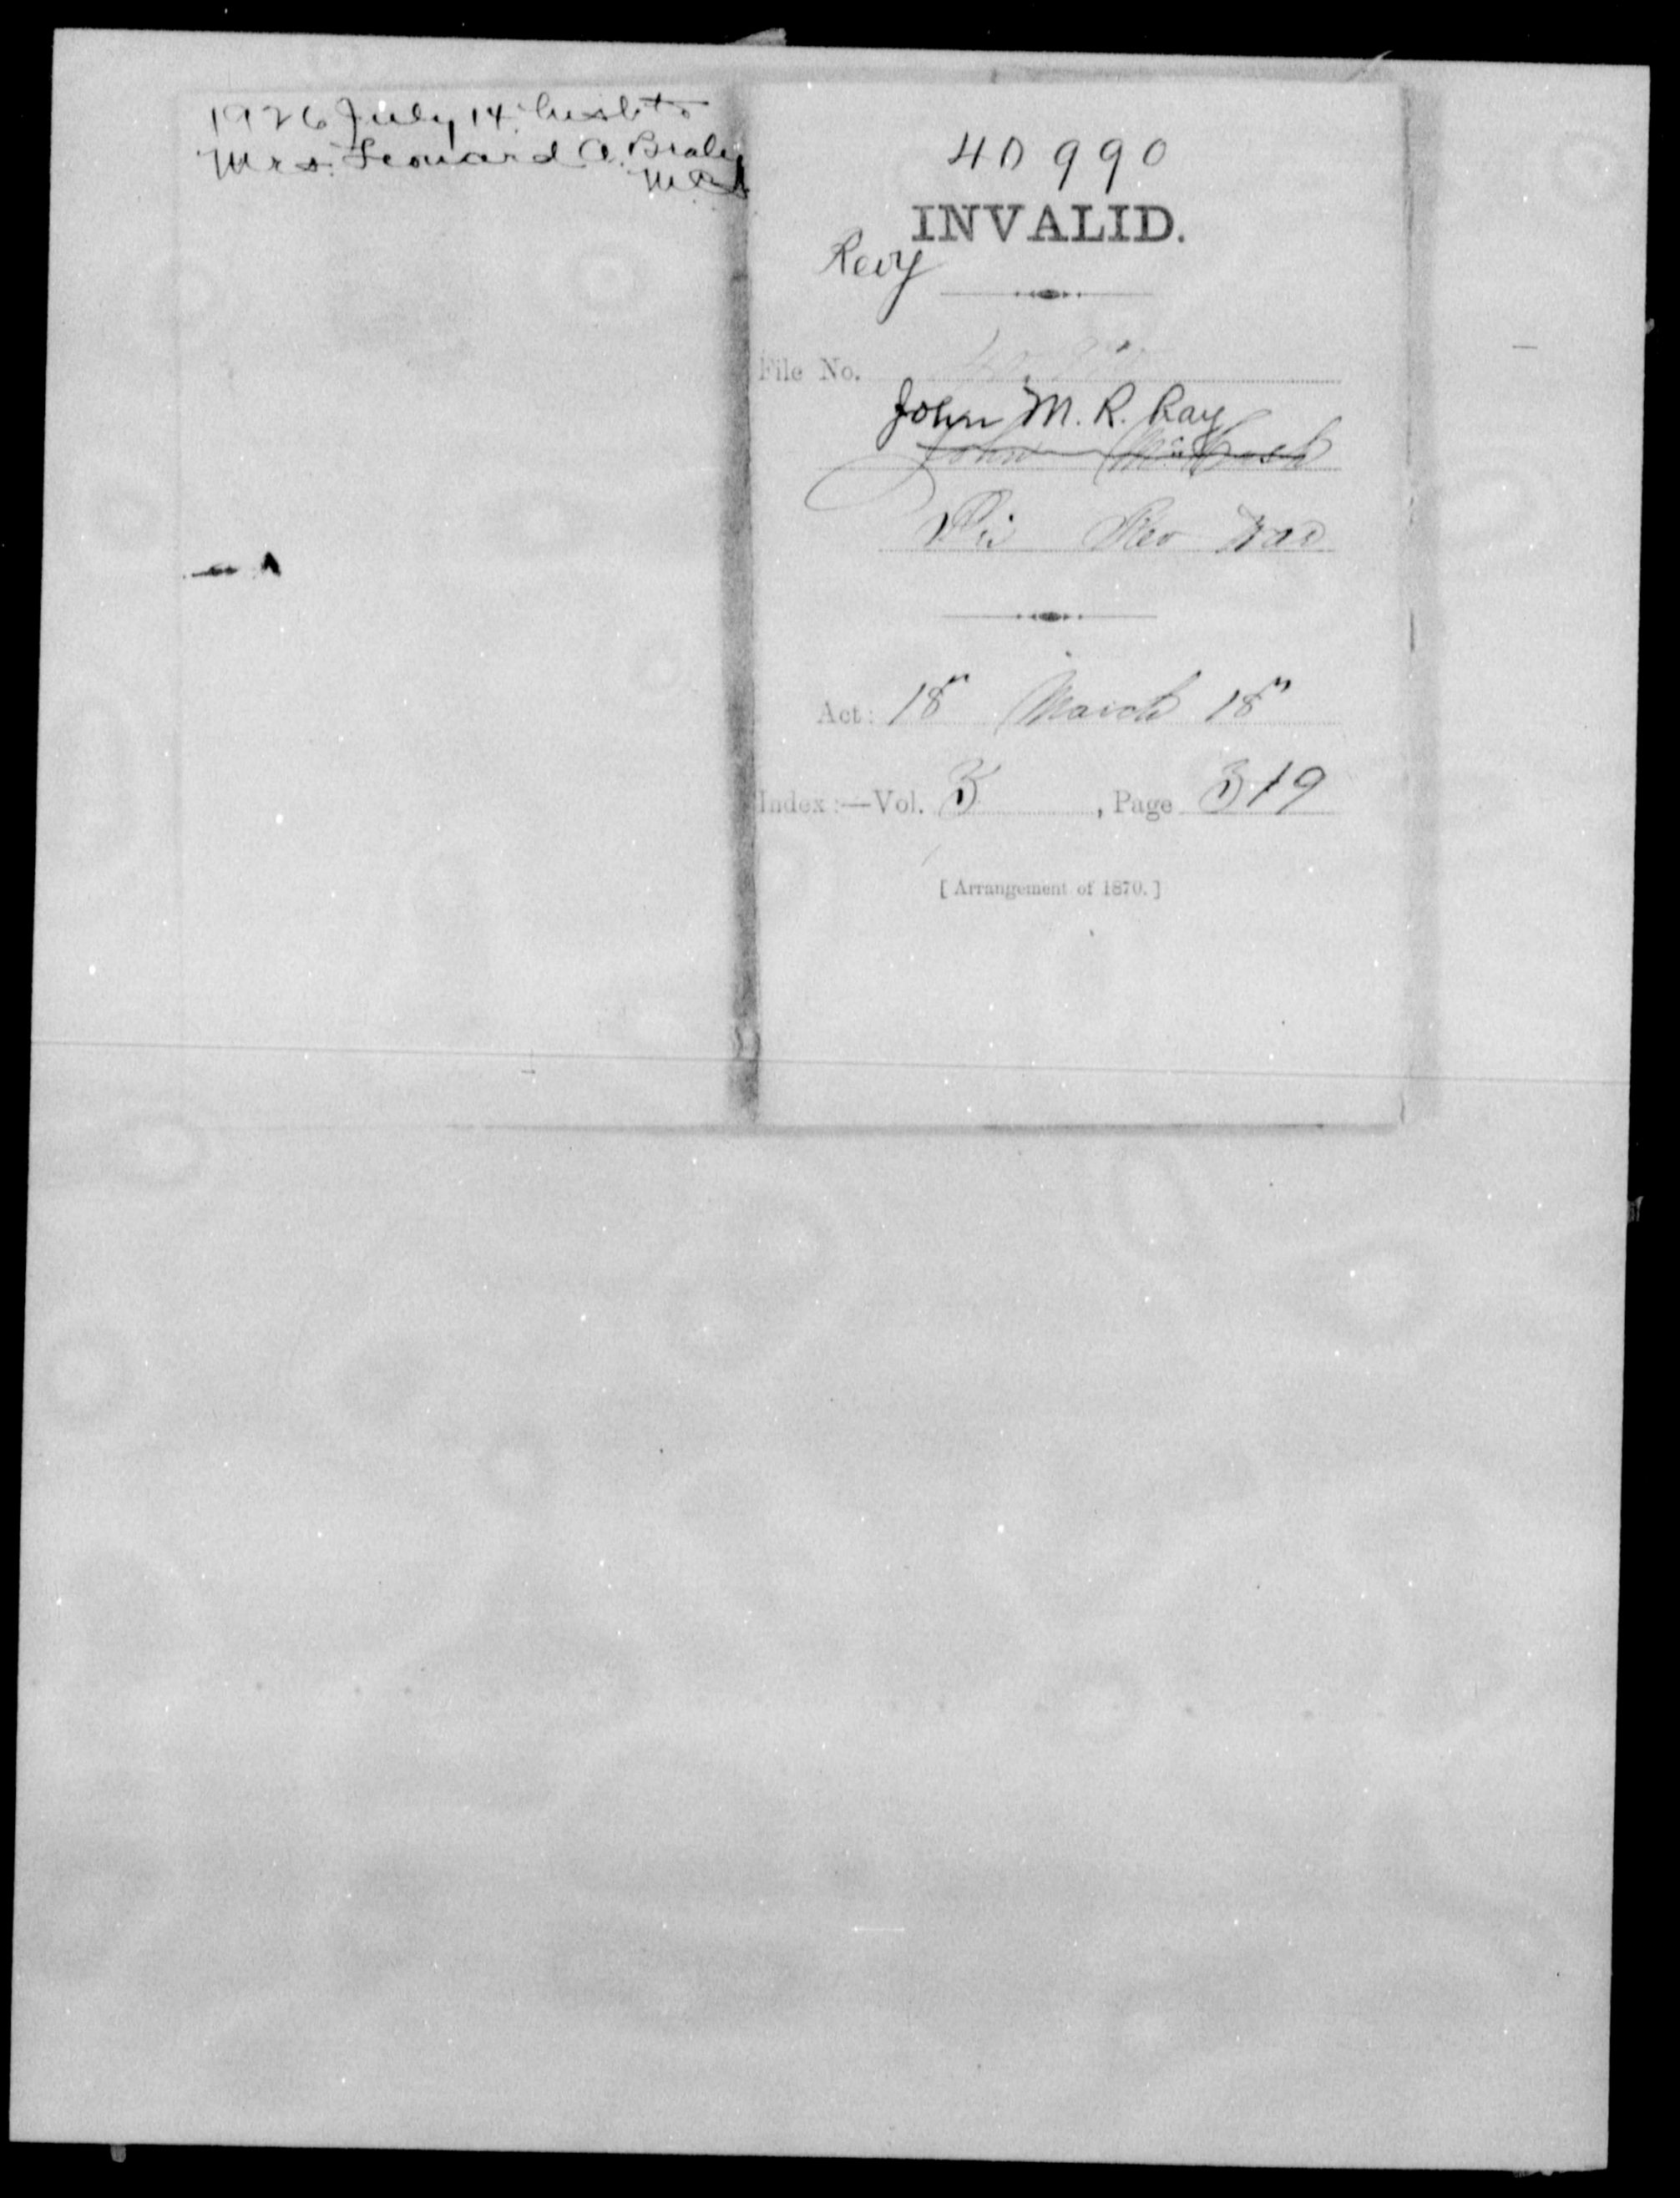1926 July 14 [illegible] to Mrs. Leonard A Braly MCA
40990
INVALID
Reoy
John M R Ray
John McCush (struck through)
[illegible]
Act 18 March 18
Index - Vol 3   Page 319
Arrangement of 1870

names: Leonard A Braly; John Mc Cush; John M R Ray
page: 11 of 20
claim: survivor's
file: S. 40,990, for John Mc Cush Robert Ray, Pennsylvania